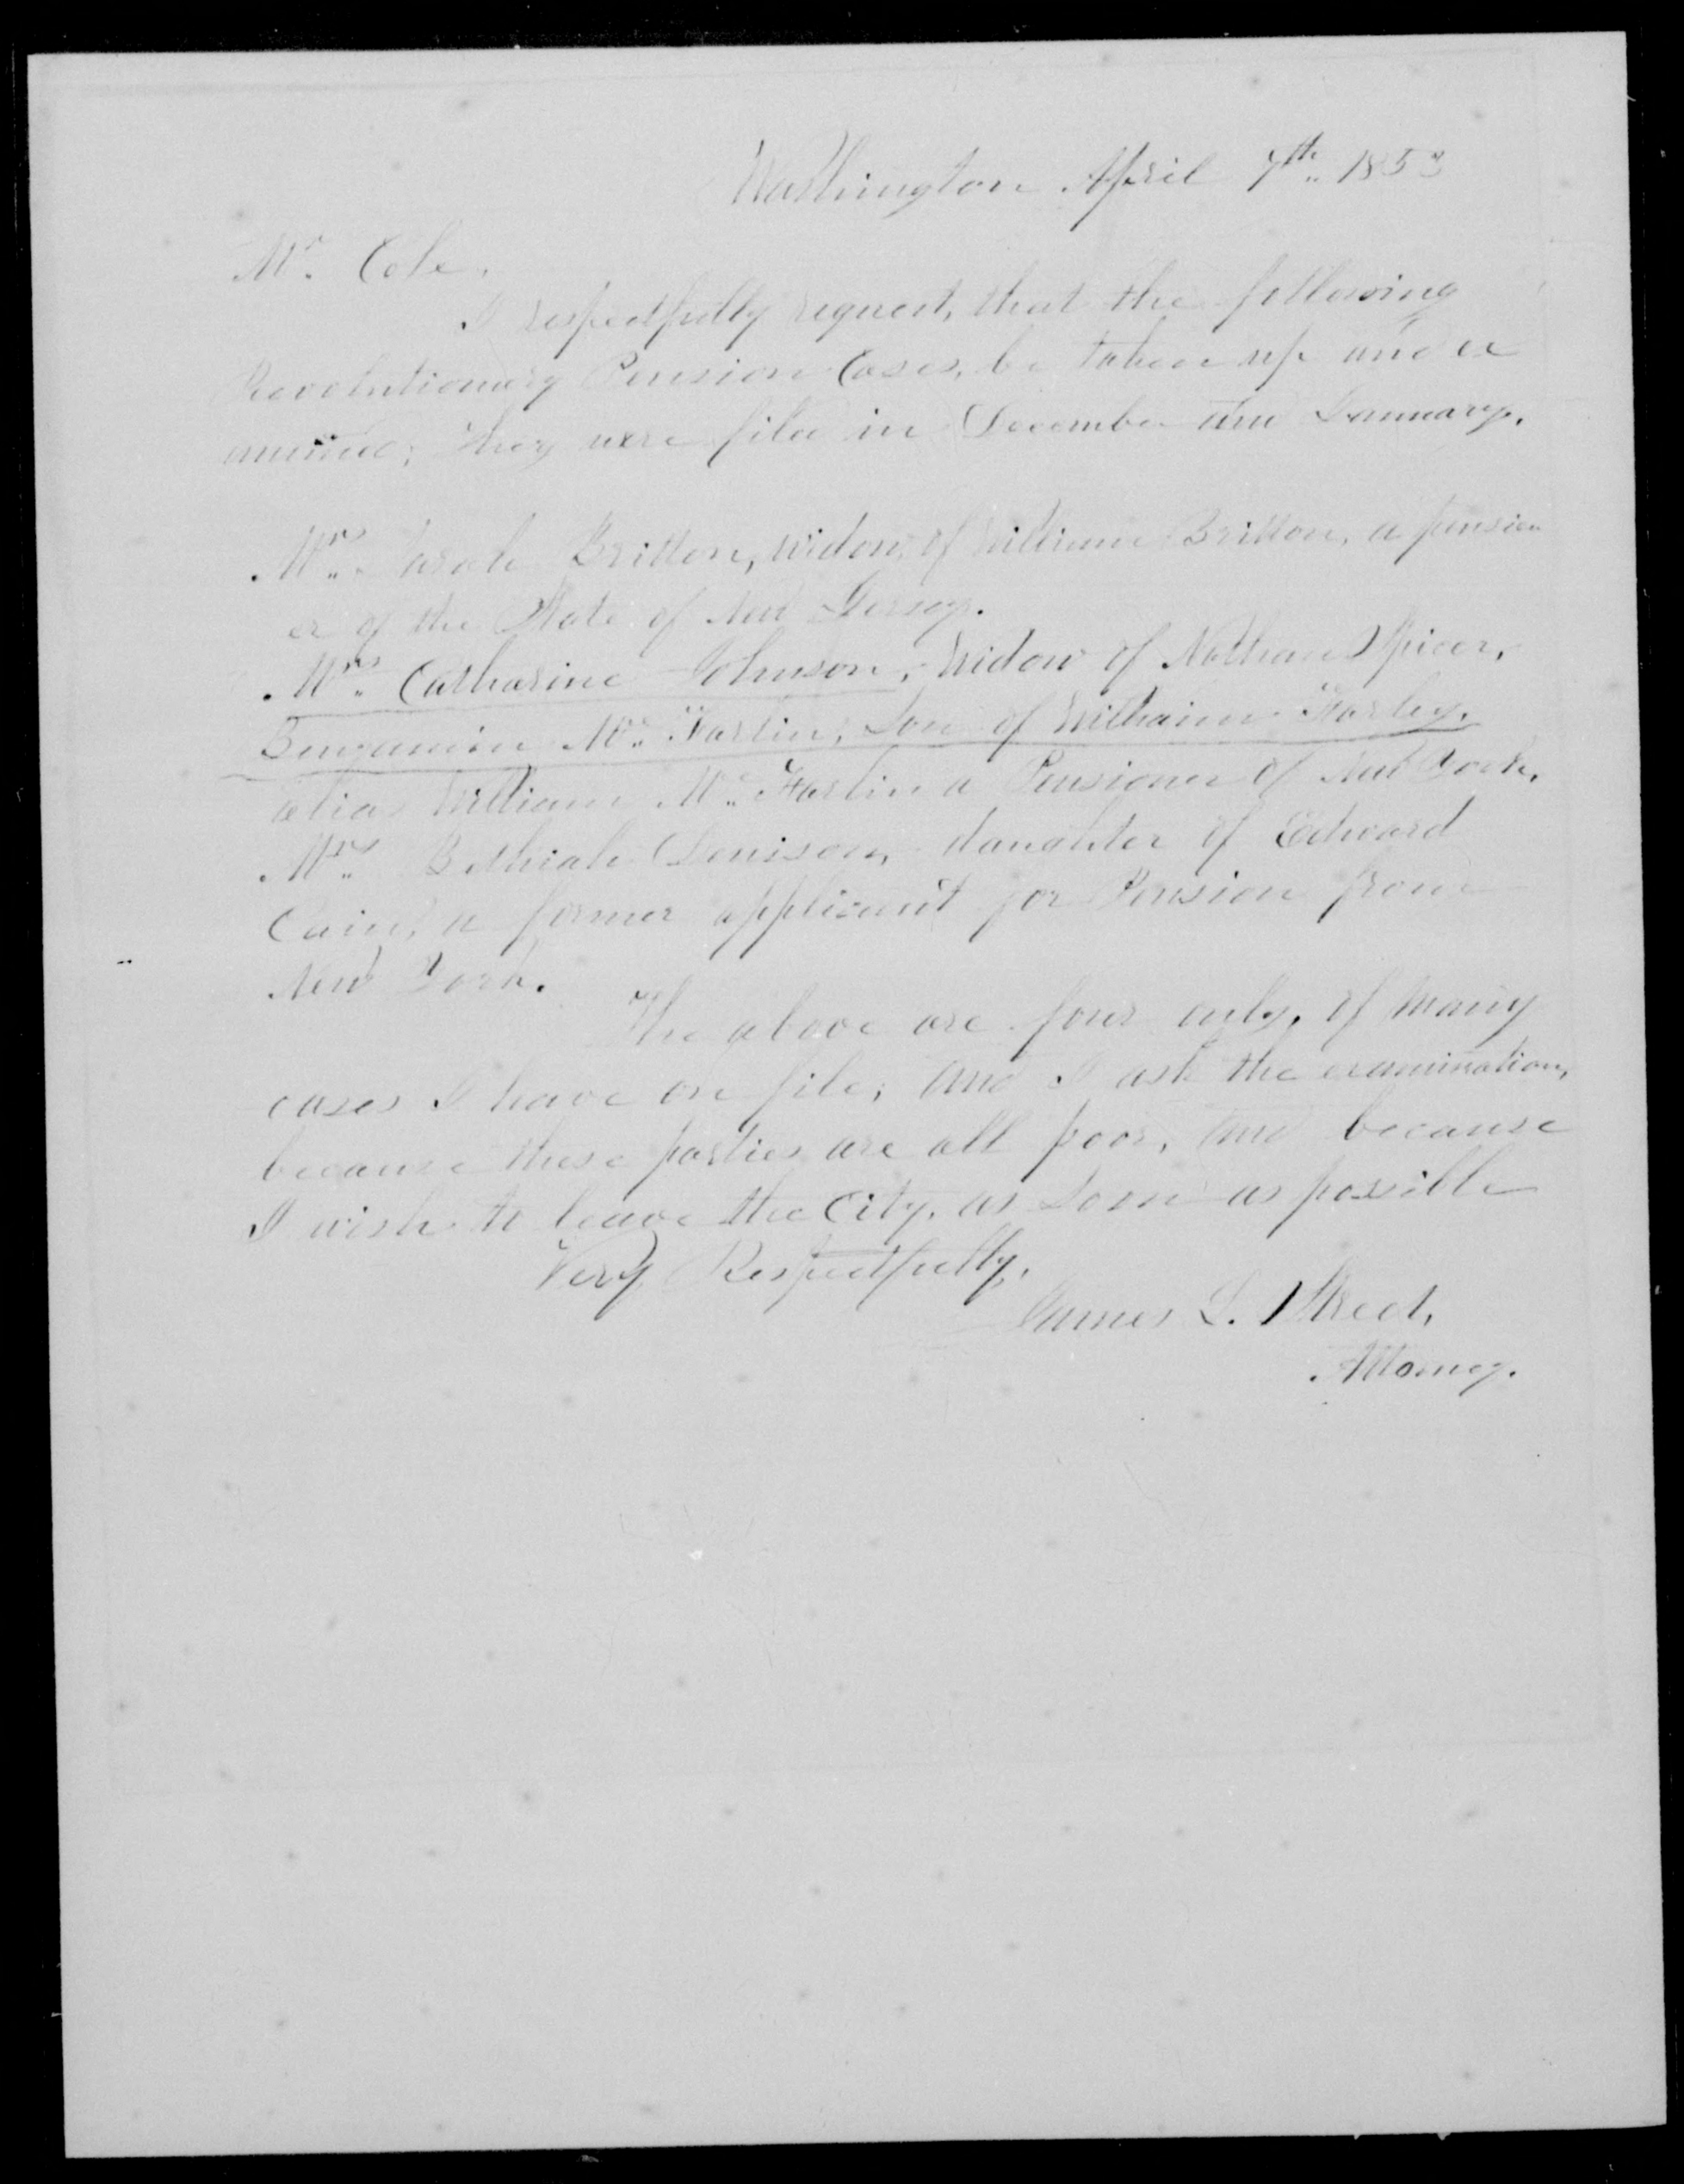Washington April 7th 1853
Mr. Coles
I respectfully request that the following Revolutionary Pension cases be taken up under [illegible]; they were filed in December and January.

Mrs. Sarah Britton, widow of William Britton, a pensioner of the State iof New Jersey.
Mrs. CatherineJohnson, widow of Nathan Spicer, Benjamin Mc Farlin, Son of William Farley, alias William Mc Farlin a Pensioner of New York, Mrs. Bethiah Denison, daughter of Edward Cain, a former applicant for Pension from New York.
The above are four only, of many cases I have on file, and I ask the examination because these  [illegible] are all poor, and because I wish to leave the City, as soon as possible
Very Respectfully,
James T Street
[illegible]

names: [BLANK] Cole; Bethiah Danison; Catharine Johnson; [BLANK] Martin; James L Street; Nathan Spicer; Benjamin [BLANK]; William Mc Farland; William Farley; William Britton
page: 22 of 33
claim: rejected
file: R. 5603, for Nathan Spicer, New York